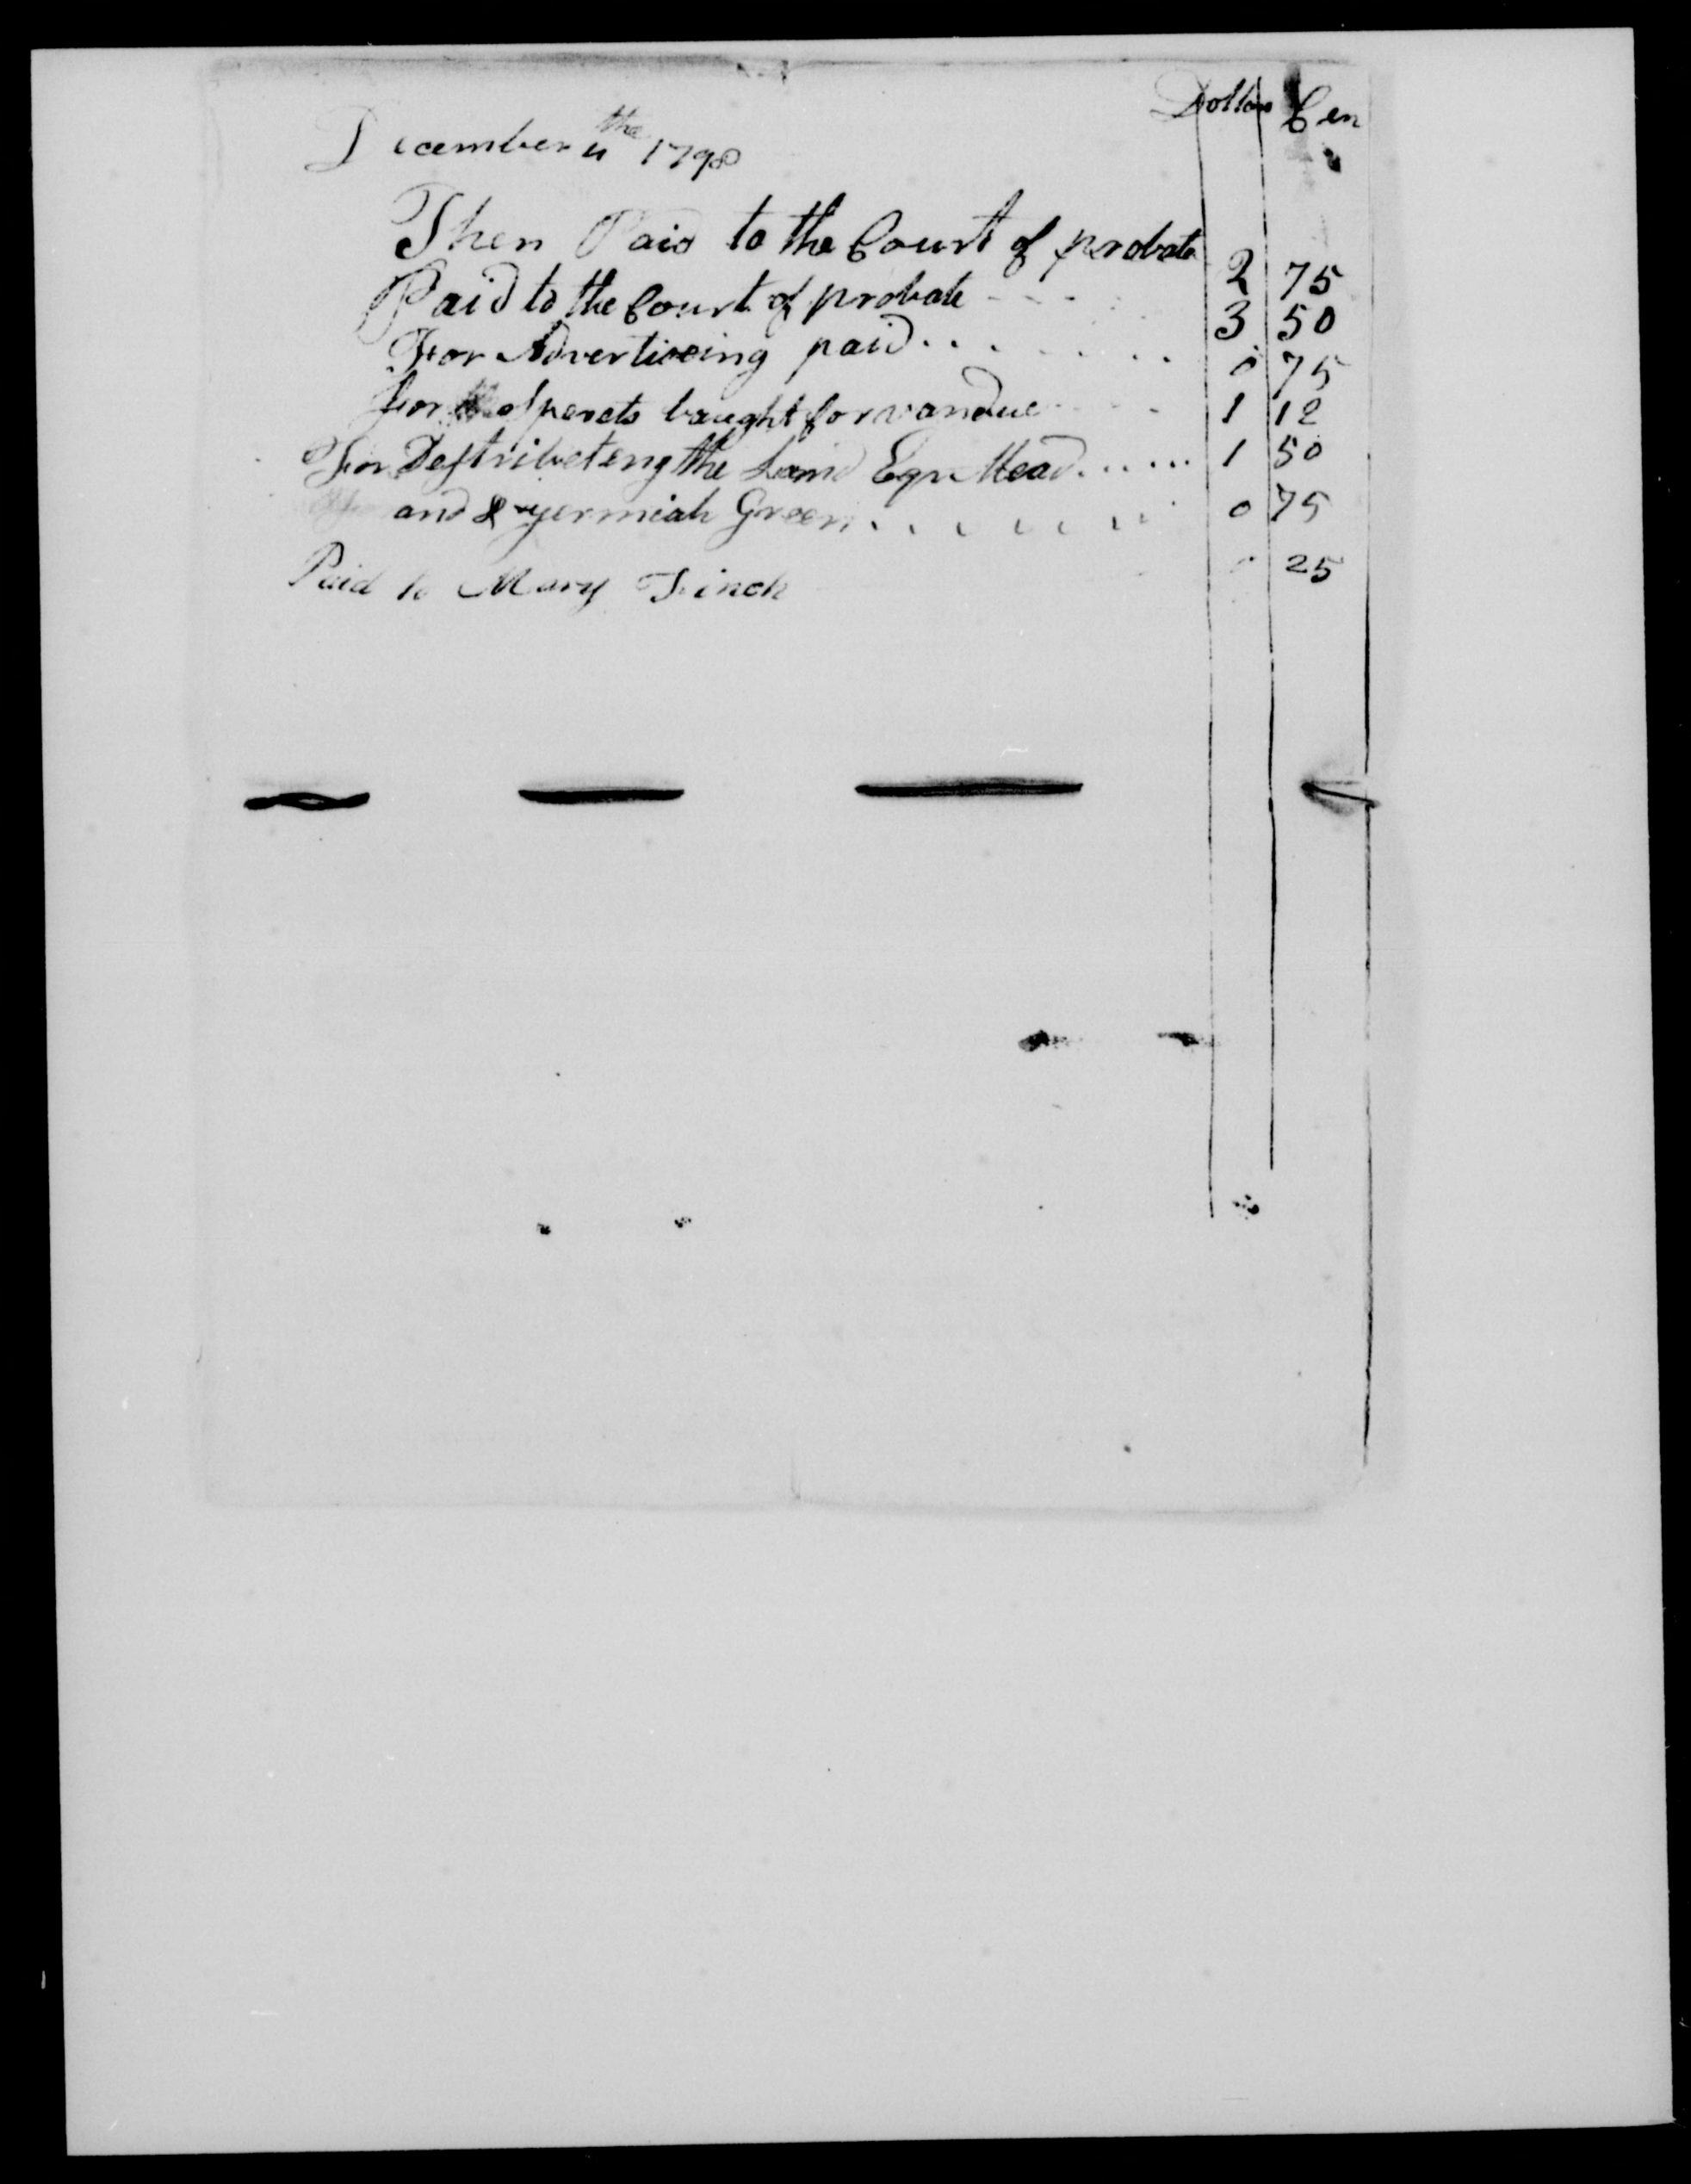December 4th 1790
Dollars Cents
Then paid to the Court of probate 2.75
Paid to the Court of Probate 3.50
For Advertiseing paid 6.75
For [illegible] bought for [illegible] 1.12
For destributing the [illegible] [illegible] [illegible] 1.50
and Jermiah Green 0.75
Paid to Mary Finch 0.25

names: Mary Finch; Jermiah Green; [BLANK] Mead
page: 37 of 77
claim: survivor's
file: S. 23003, for Silas Southerland, New York